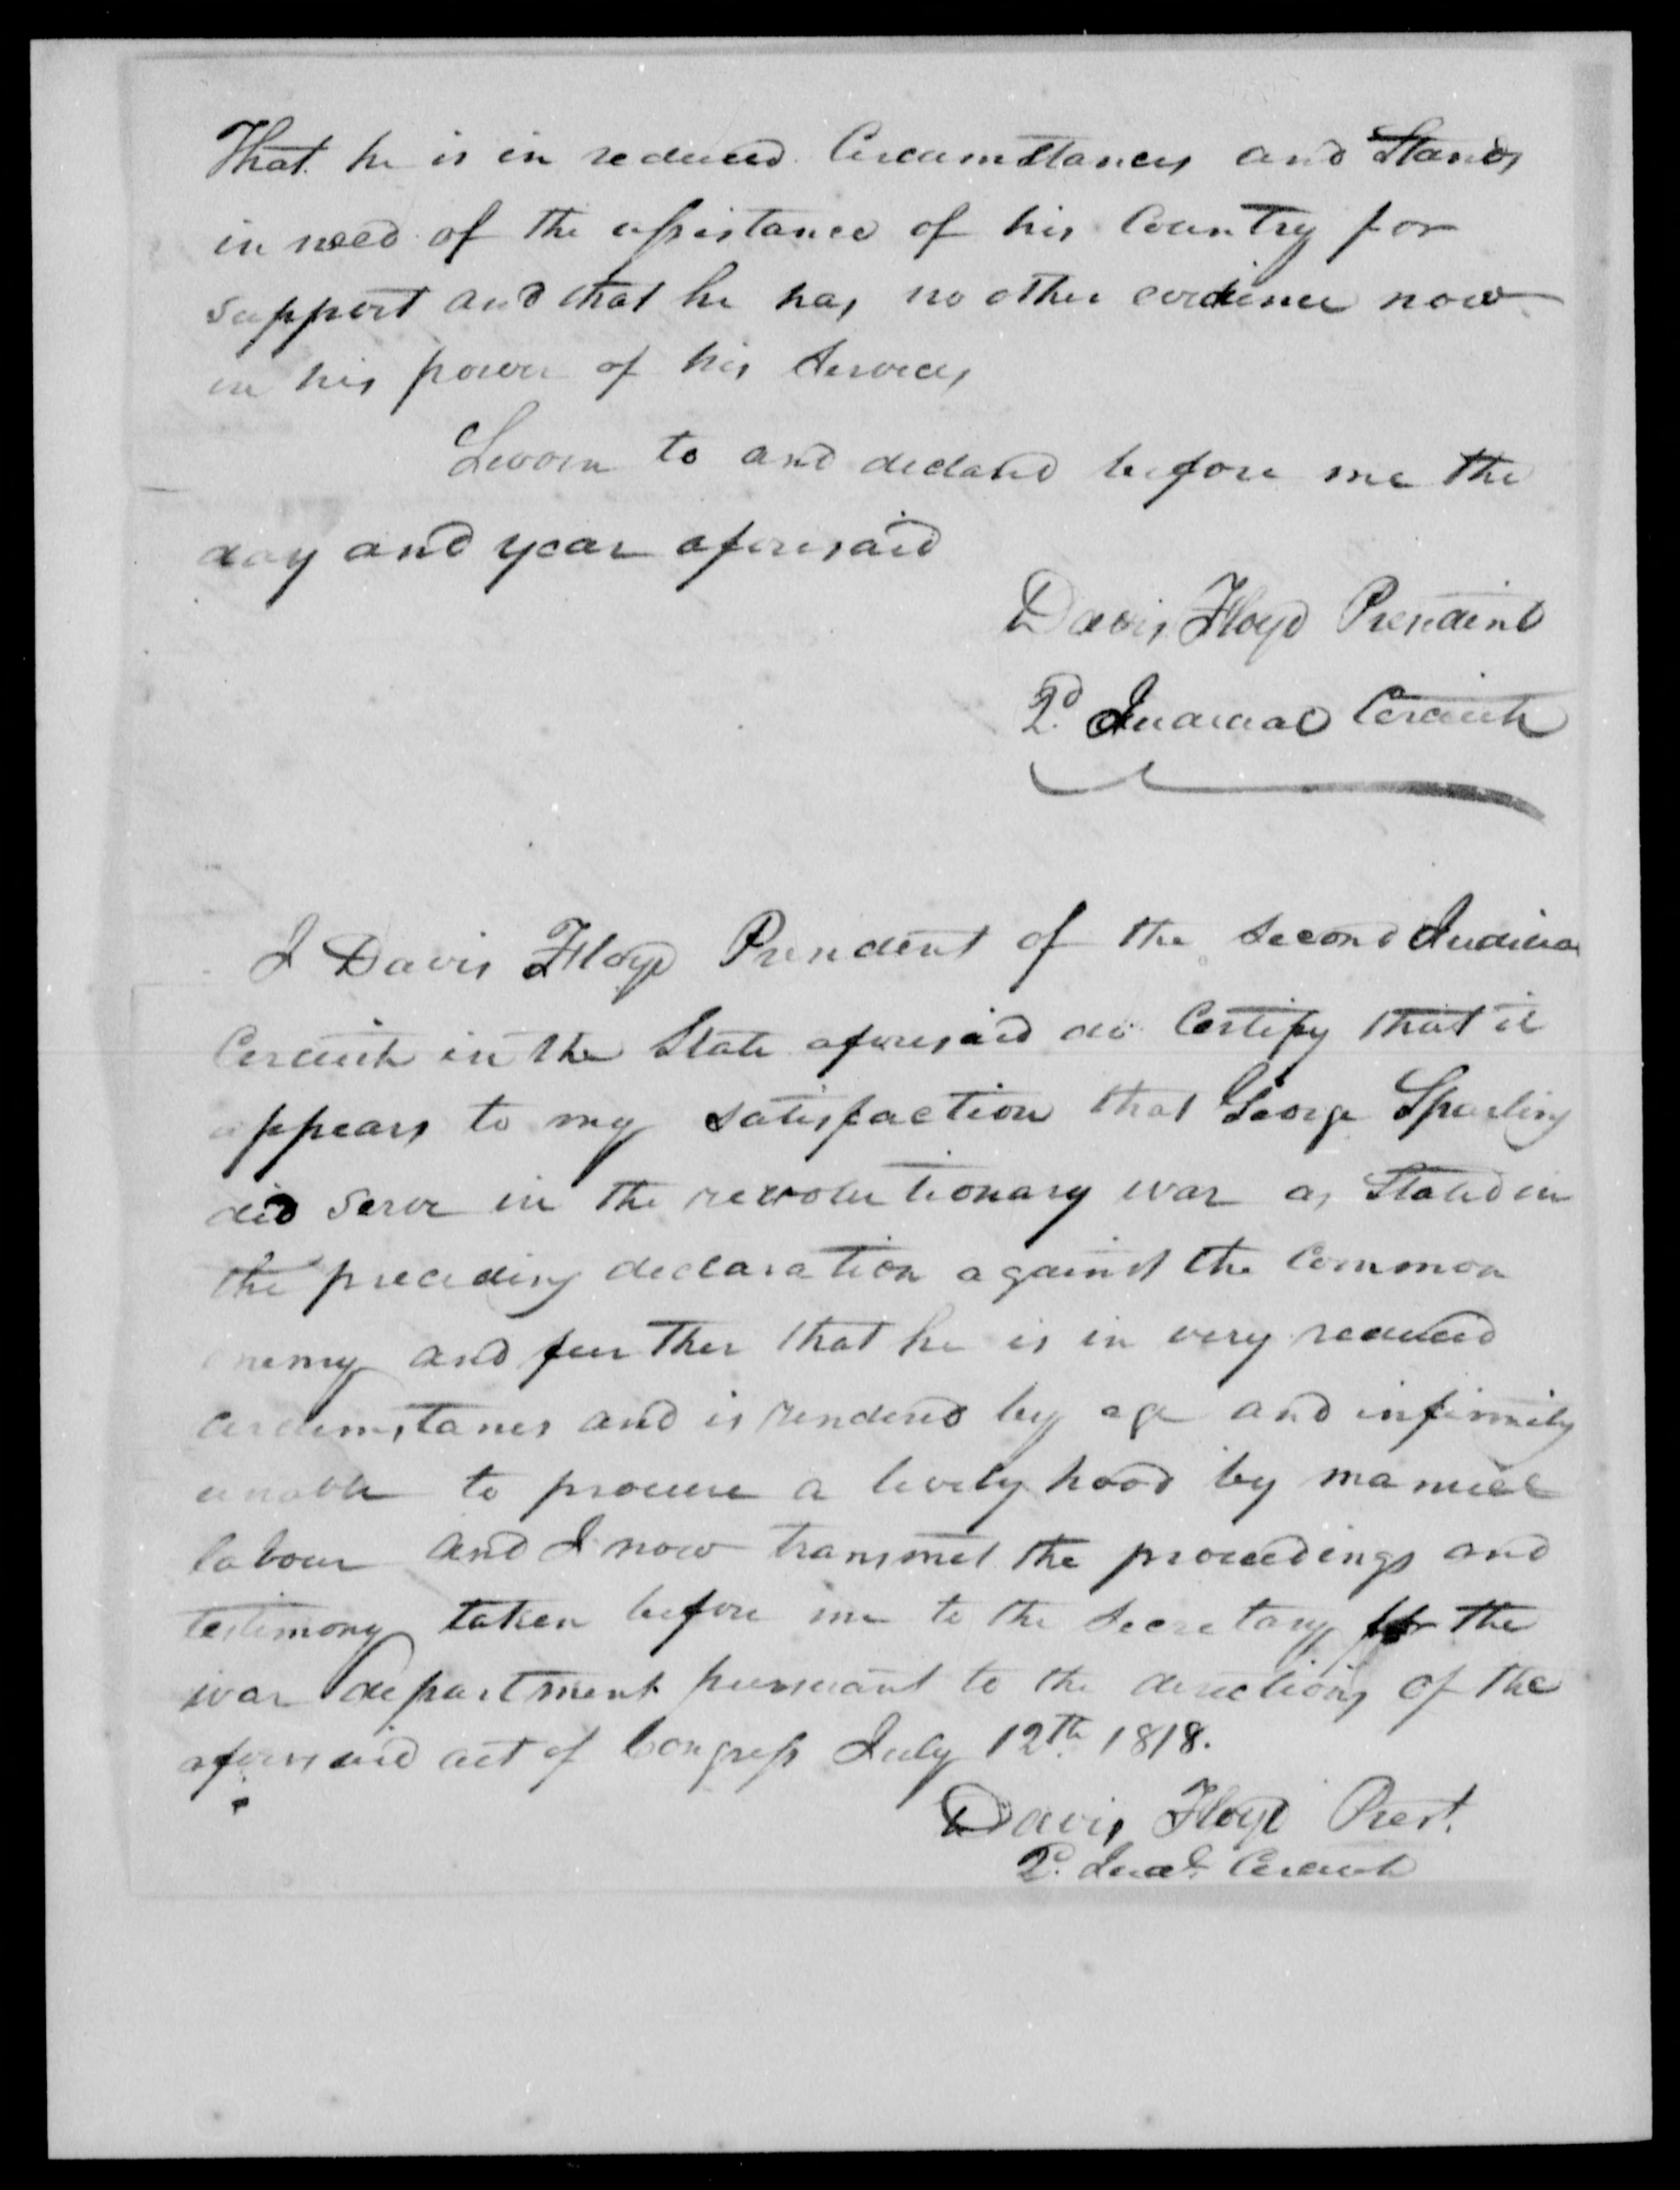That he is in reduced circumstances and (unknown word) in need of the assistance of his Country for support and that he has no other evidence now in his power of his Service,
Sworn to and declared before me the day and year aforesaid
Davis Floyd 
President L. Judicial Circuit(?)

I Davis Floyd President of the second Judicial Circuit in the State aforesaid do Certify that it appears to my satisfaction that George Sparling did serve in the revolutionary war as Stated in the preceding declaration against the common enemy and further that he is in very reduced circumstances and is hindered by age and infirmity unable to procure a livelihood by manual labour and I now transmit the proceedings and testimony taken before me to the Secretary for the war Department pursuant to the directions of the aforesaid act of Congress July 12th 1818.
Davis Floyd Prest.
Judicial Circuit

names: Davis Floyd; George Sparling; Davis Floyd; Davis Floyd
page: 6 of 20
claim: survivor's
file: S. 36,783, for George Sparling, New Jersey